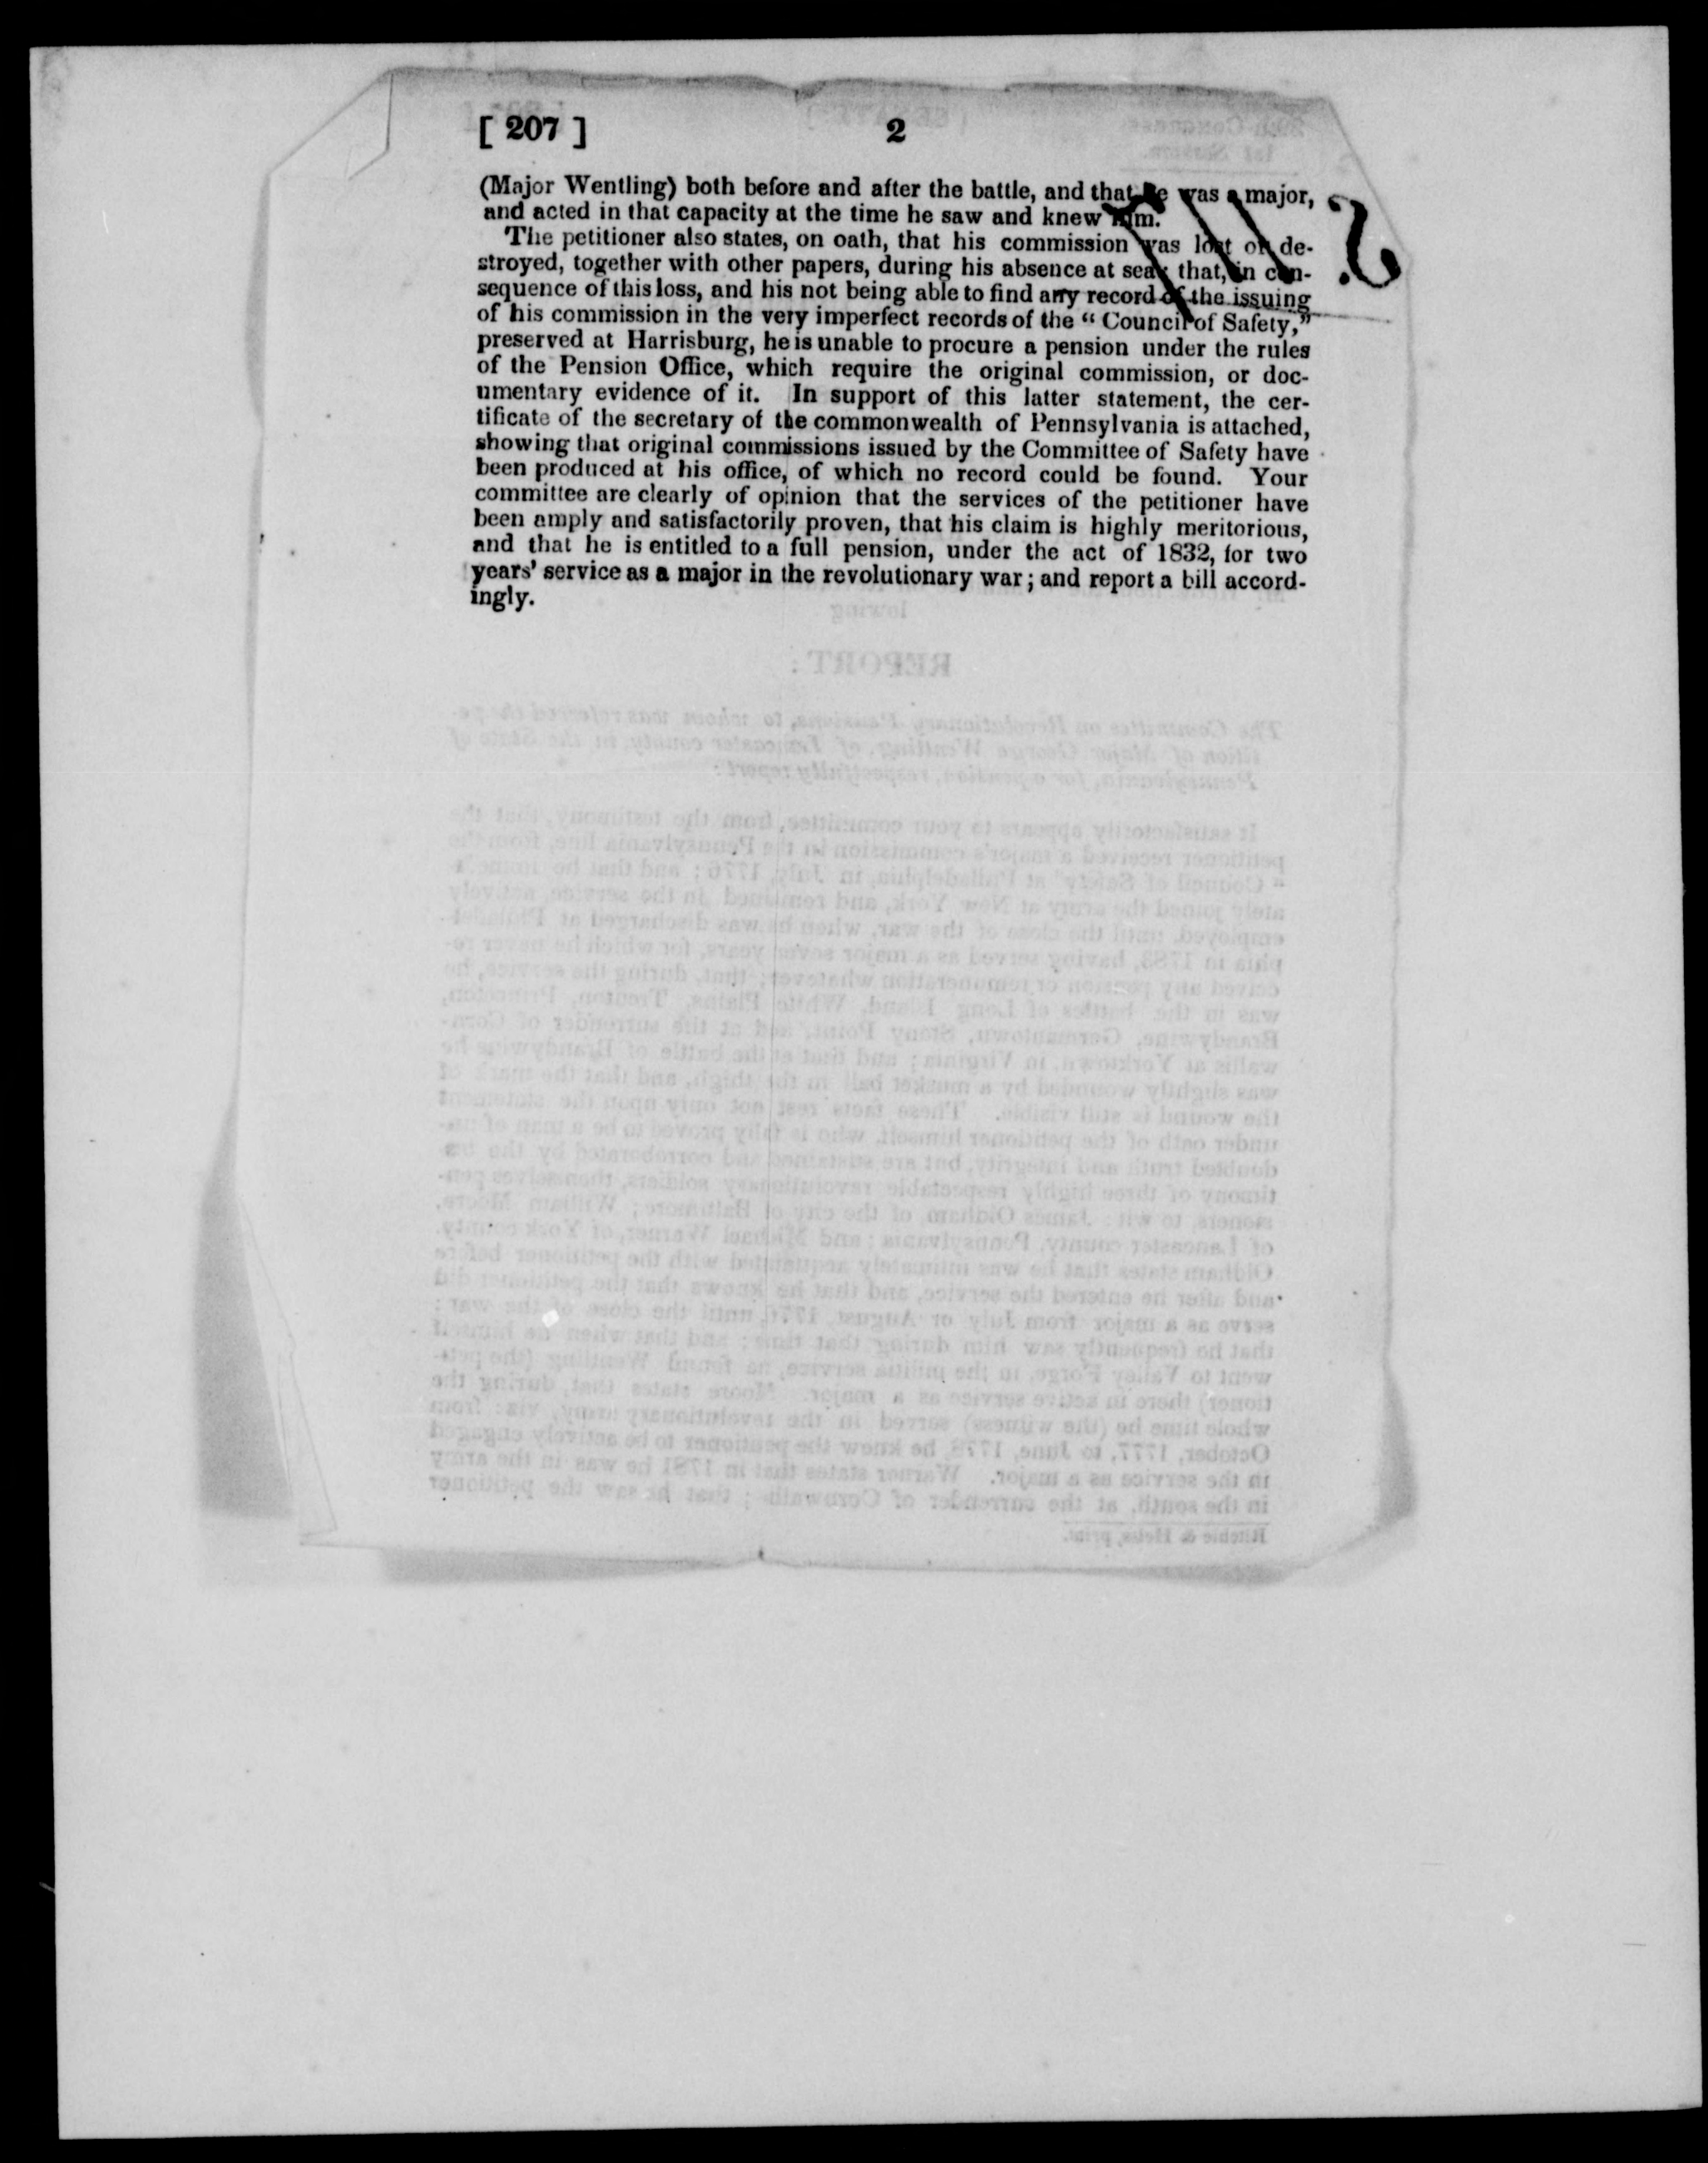[207]                      2
Major Wentling) both before and after the battle, and that he was major, and acted in that capacity at the time he saw and knew him.
The petitioner also states, on oath, that his commission was lost or destroyed, together with other papers, during his absence at seat that in 
consequence of this loss, and his not being able to find any record of the issuing of his commission in the very imperfect records of the Council of Safety, preserved at Harrisburg, he is unable to procure a pension under the rules
of the Pension Office, which require the original commission, or documentary evidence of it. In support of this latter statement, the certificate
of the secretary of the commonwealth of Pennsylvania is attached, showing that original commissions issued by the Committee of Safety have been produced at his office, of which no record could be found. Your committee are clearly of opinion that the services of the petitioner have been amply and satisfactorily proven, that his claim is highly meritorious,
and that he is entitled to a full pension, under the act of 1832, for two years' service as a major in the revolutionary war; and report a bill accordingly.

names: Wentling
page: 28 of 68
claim: survivor's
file: S. 6,358, George Wentling, Penn.